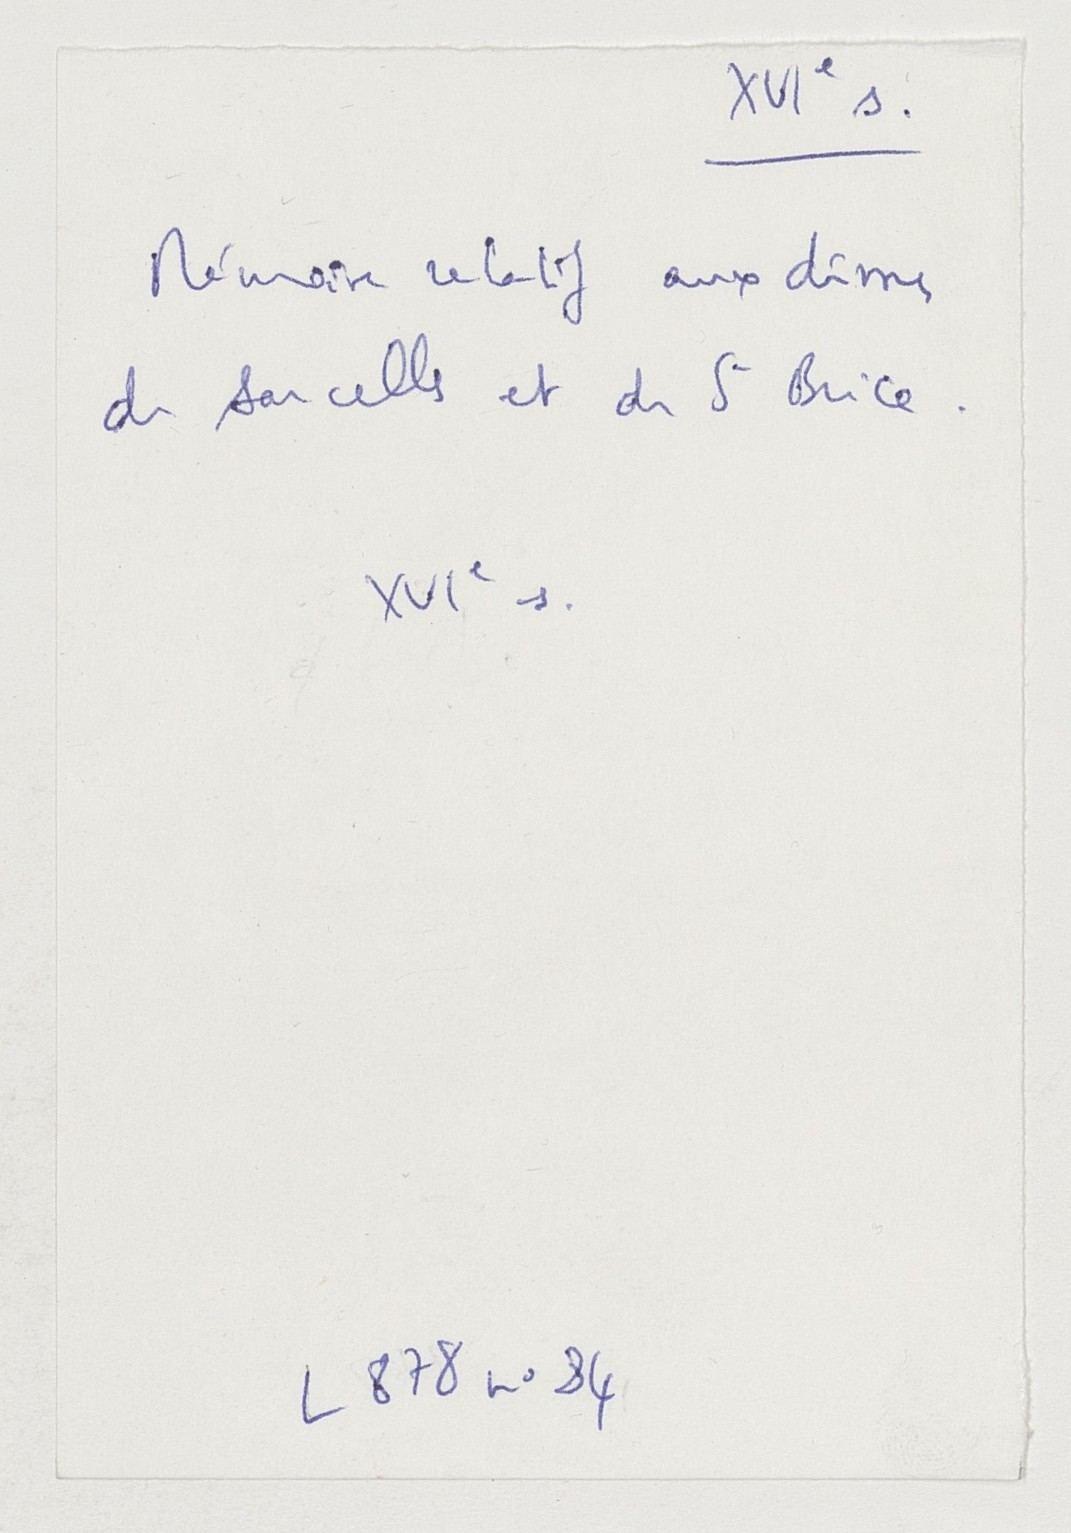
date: XVIe siècle
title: Mémoire relatif aux dîmes de Sarcelles et de Saint-Brice
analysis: XVIe siècle
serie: L
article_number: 878
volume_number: n° 84
